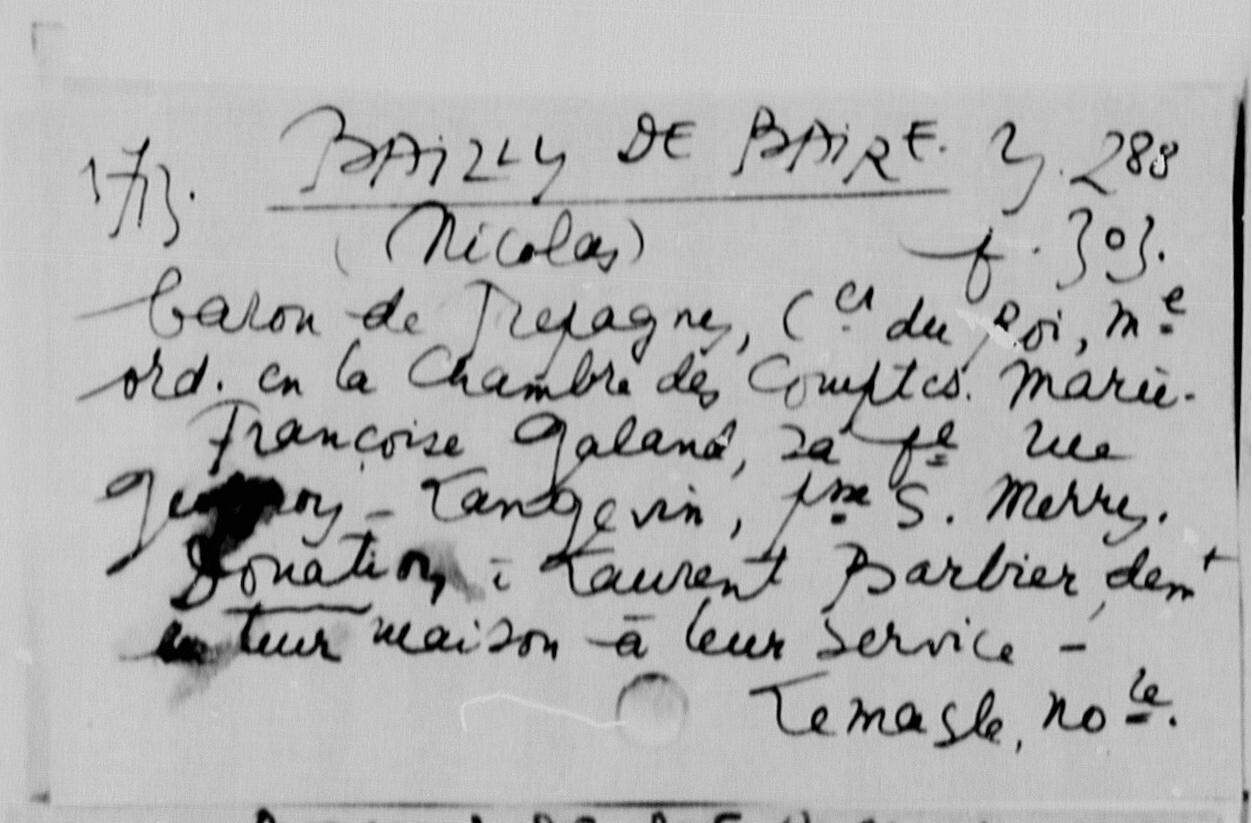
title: BAILLY DE BAIRE (Nicolas)
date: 1713
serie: Y
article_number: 288
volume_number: folio 303
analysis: Baron de Trepagny, conseiller du roi, maître ordinaire en la Chambre des Comptes. Marie-Françoise GALAND, sa femme, rue Geoffroy-Langevin, paroisse Saint-Merry. Donation à Laurent Barbier, demeurant en leur maison à leur service. Lemasle, notaire.
